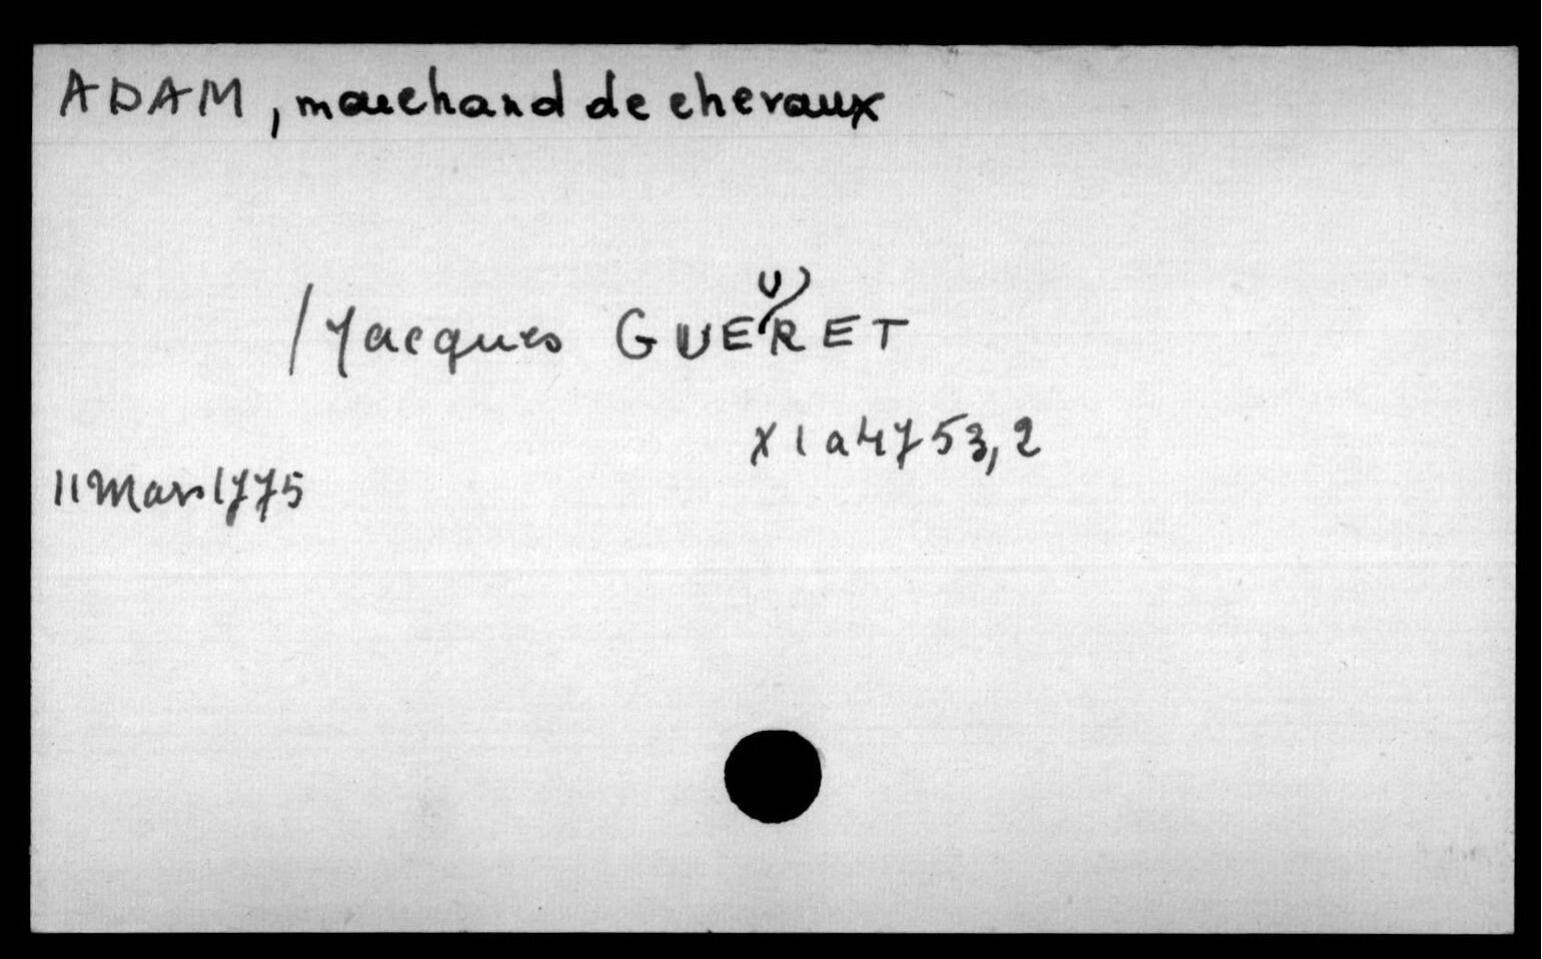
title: ADAM, marchand de chevaux
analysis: Contre Jacques GUEURET
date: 11 mars 1775
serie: X1a
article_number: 4753
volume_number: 2
